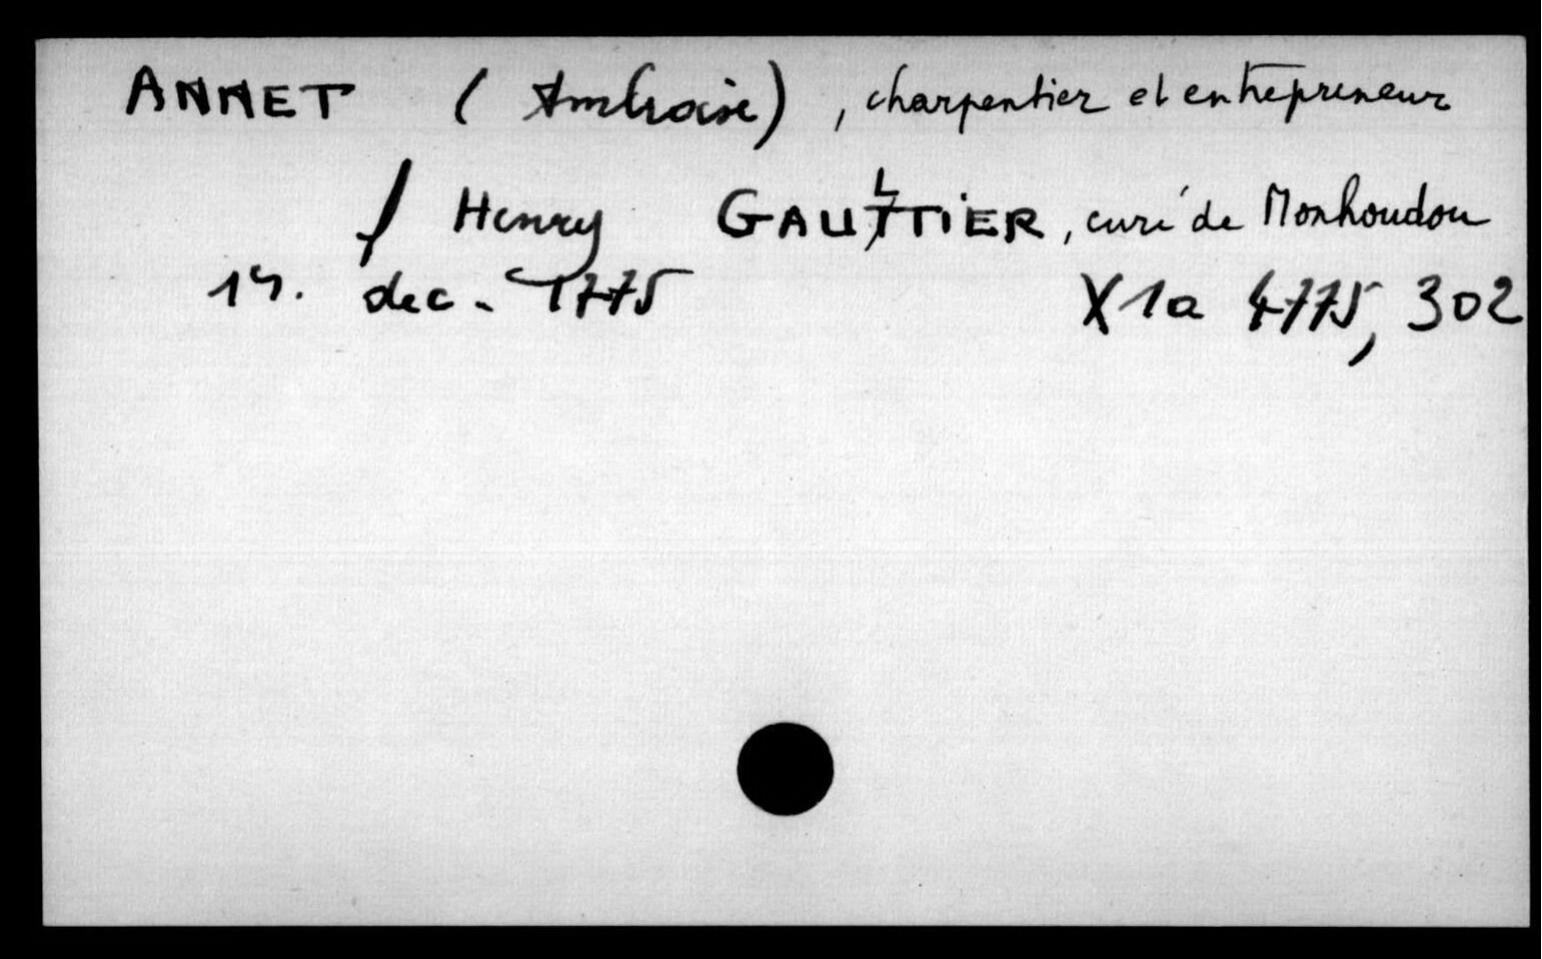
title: ANNET (Ambroise), charpentier et entrepreneur
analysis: Contre Henry GAULTIER, curé de Monhoudou
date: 1er décembre 1775
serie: X1a
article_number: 4775
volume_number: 302
